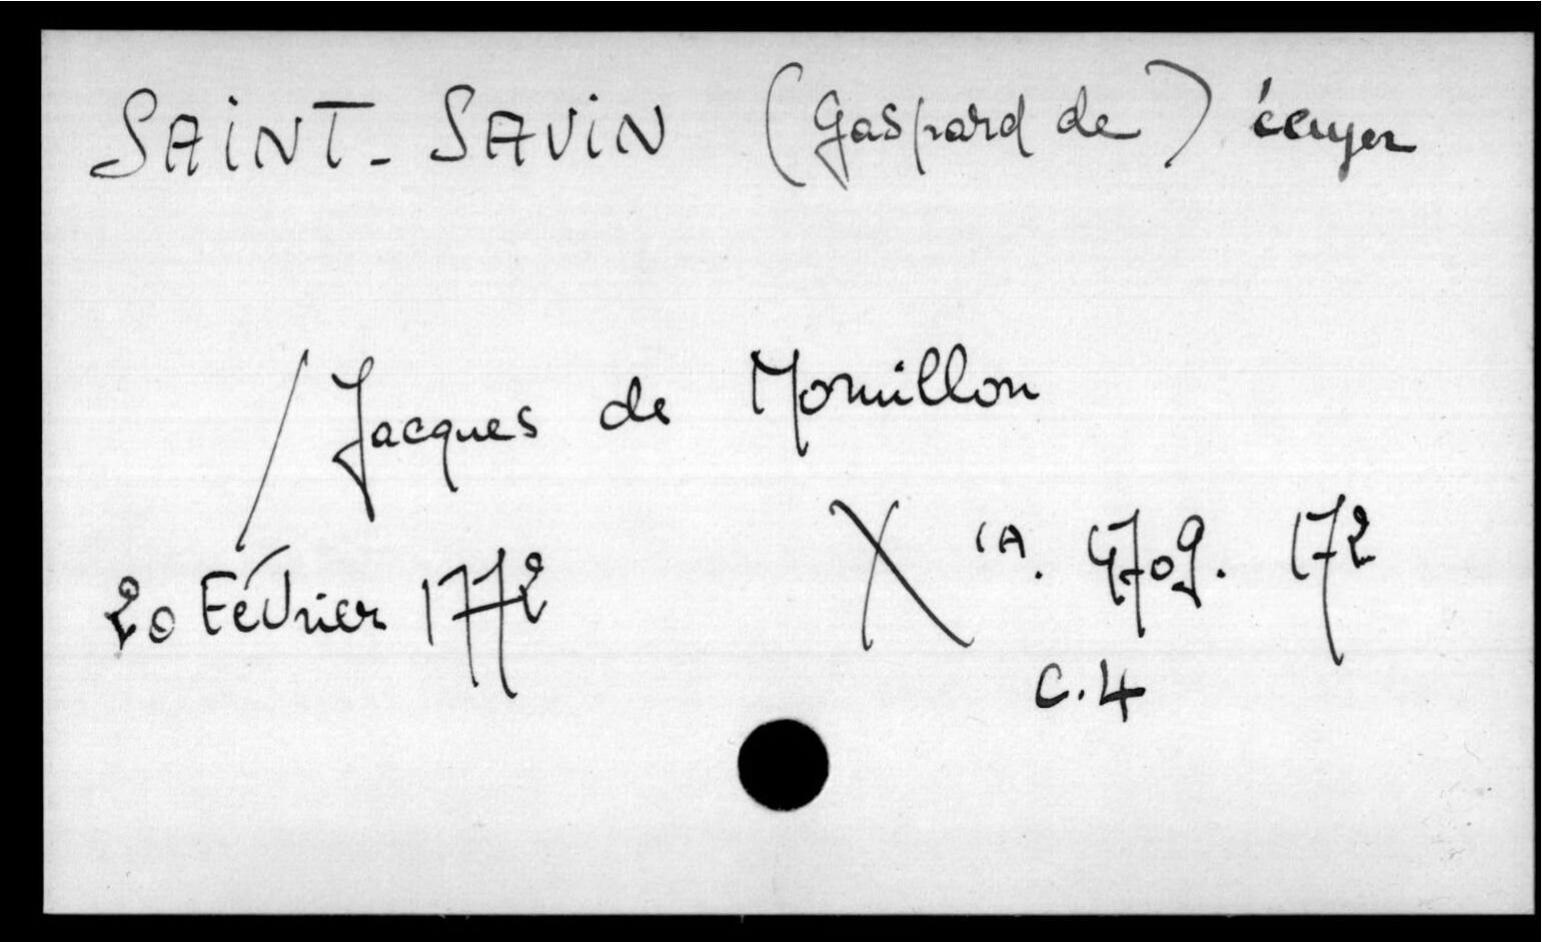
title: SAINT-SAVIN (Gaspard de) écuyer
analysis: Contre Jacques de Momillon
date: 20 février 1772
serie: X1A
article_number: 4709
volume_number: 172 Conseil 4
